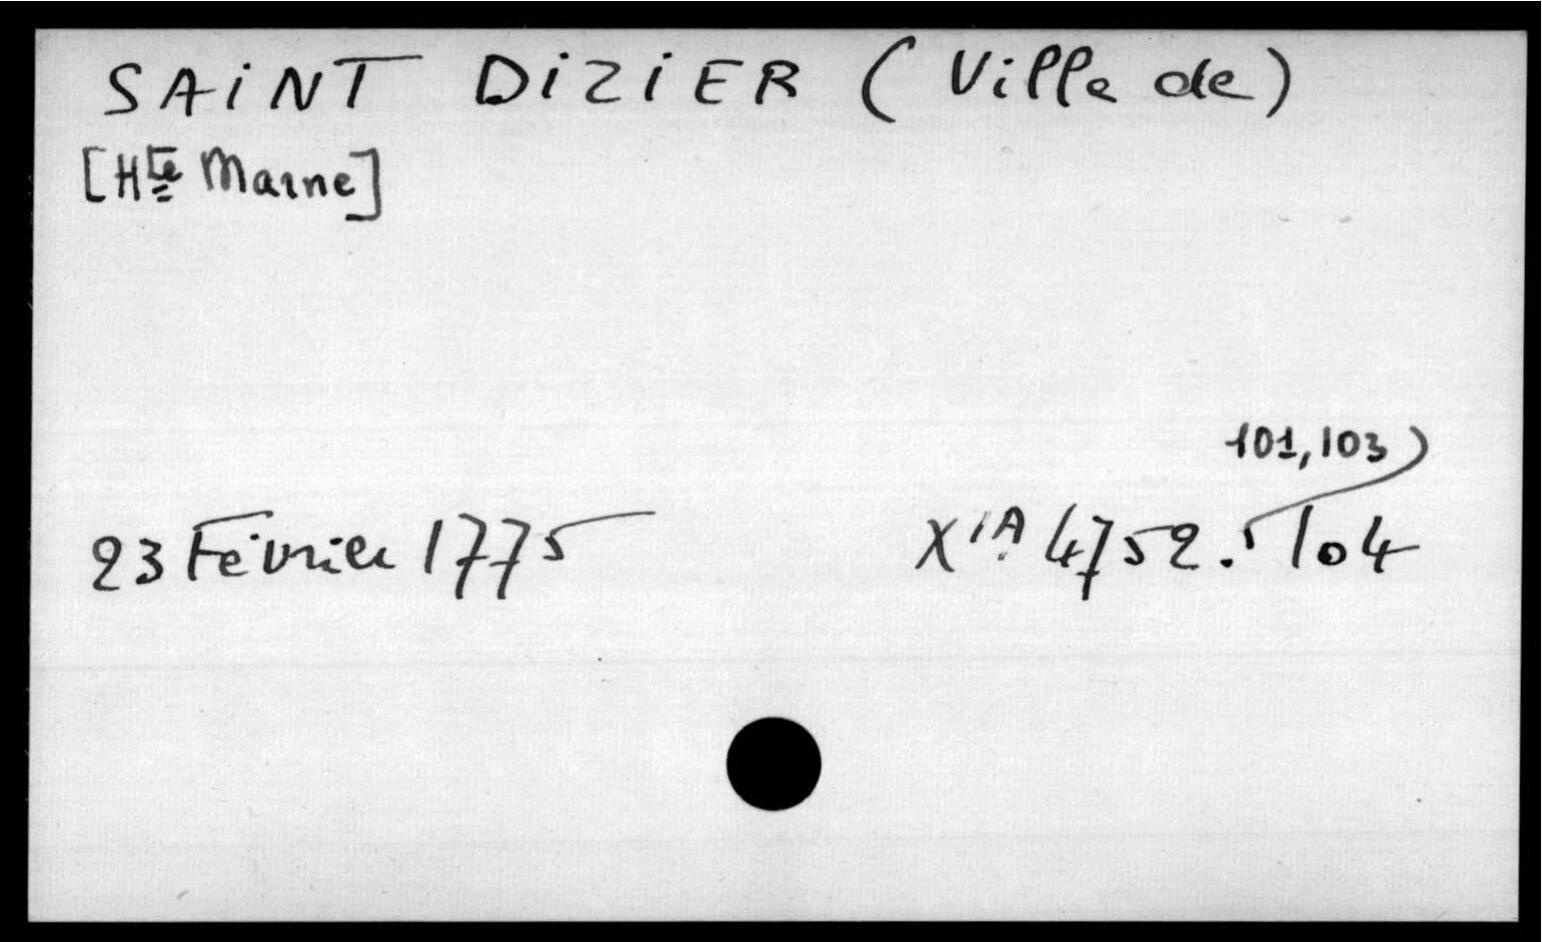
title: SAINT DIZIER (Ville de) [Haute-Marne]
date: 23 février 1775
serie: X1A
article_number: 4752
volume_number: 101, 103, 104
